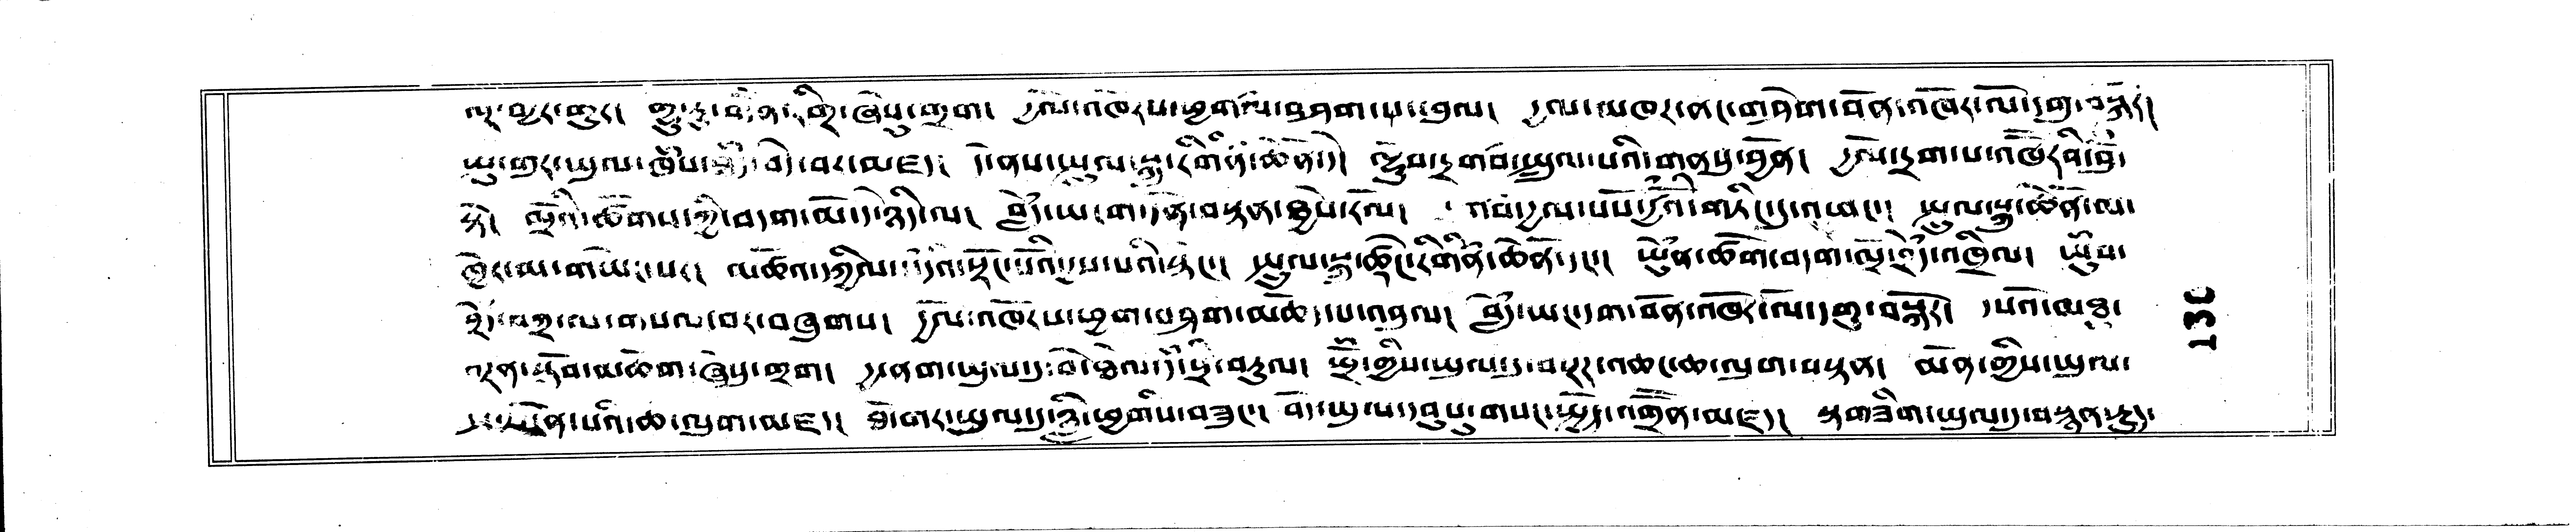ལྔ་བརྒྱར་གྱུར། གྷུ་རུ་བདེ་ཆེན་རིགས་ལྔ་ཞེས་སུ་གྲགས། རྒྱལ་པོ་འཁོར་བཅས་ཕྱག་འཚལ་བཤགས་པ་ཕུལ། རྒྱལ་མཁར་ནང་གཤེགས་བོན་འཁོར་ལོ་དགུ་བསྐོར། 
སྤུ་གུར་ཡུལ་ཁམས་ཐམས་ཅད་བདེ་བར་མཛད། དེ་ནས་སྤྲུལ་སྐུ་རིག་འཛིན་ཆེན་པོ་དེ། ལྷོ་ནུབ་དྲག་རྩུབ་སྤྲུལ་པའི་གནས་སུ་བྱོན། རྒྱལ་པོ་དྲག་པ་འཁོར་ལོའི་བུ་མོ་
སྟེ། མཁའ་འགྲོའི་ཚོགས་ཀྱི་བདག་མོ་དེ་ཉིད་ལ། བླ་མེད་ཡང་དག་དོན་བསྟན་ཐུགས་རྗེ་རོལ། གདུག་རྩུབ་རྒྱལ་པོས་རྒྱ་མཚོའི་གཏིང་དུ་འཕངས། སྤྲུལ་སྐུ་ཆེན་པོ་མ་
ཁྱེར་མ་གཡེང་བར། མཚོ་དཀྱིལ་པདྨའི་སྡོང་པོ་རྒྱས་པའི་སྟེང་། སྤྲུལ་སྐུ་ཚེ་དབང་རིག་འཛིན་ཆེན་པོ་དང་། ཡུམ་ཆེན་ཚོགས་བདག་མཁའ་འགྲོ་གཉིས་མེད་འཁྲིལ། ཡབ་ཡུམ་
གཉིས་མེད་བཀྲ་ལ་གསལ་བར་བཞུགས། རྒྱལ་པོ་འཁོར་བཅས་ཕྱག་བཤགས་མཆོད་པ་འབུལ། བླ་མེད་ཡང་དག་བོན་ལོ་དགུ་བསྐོར། དཔའ་བོ་མཐུ་
ལྡན་སྟོབས་མཆོག་ཞེས་སུ་གྲགས། རྒྱ་ནག་ཡུལ་དུ་བེ་ཐེལ་དམ་སྲི་བཏུལ། ཕྲོམ་གྱི་ཡུལ་དུ་སྔགས་འཆང་ཆ་ལུགས་བསྟན། མོན་གྱི་ཡུལ་
དུ་༼༽པའི་ཆ་ལུགས་མཛད། ཐོ་གར་ཡུལ་དུ་ཉི་ཟླ་ཕྱག་གིས་བཟུང་། བོད་ཡུལ་དབུས་སུ་གསང་སྤྱོད་འགྲོ་དོན་མཛད། སྟག་གཟིག་ཡུལ་དུ་སྙན་བརྒྱུད་